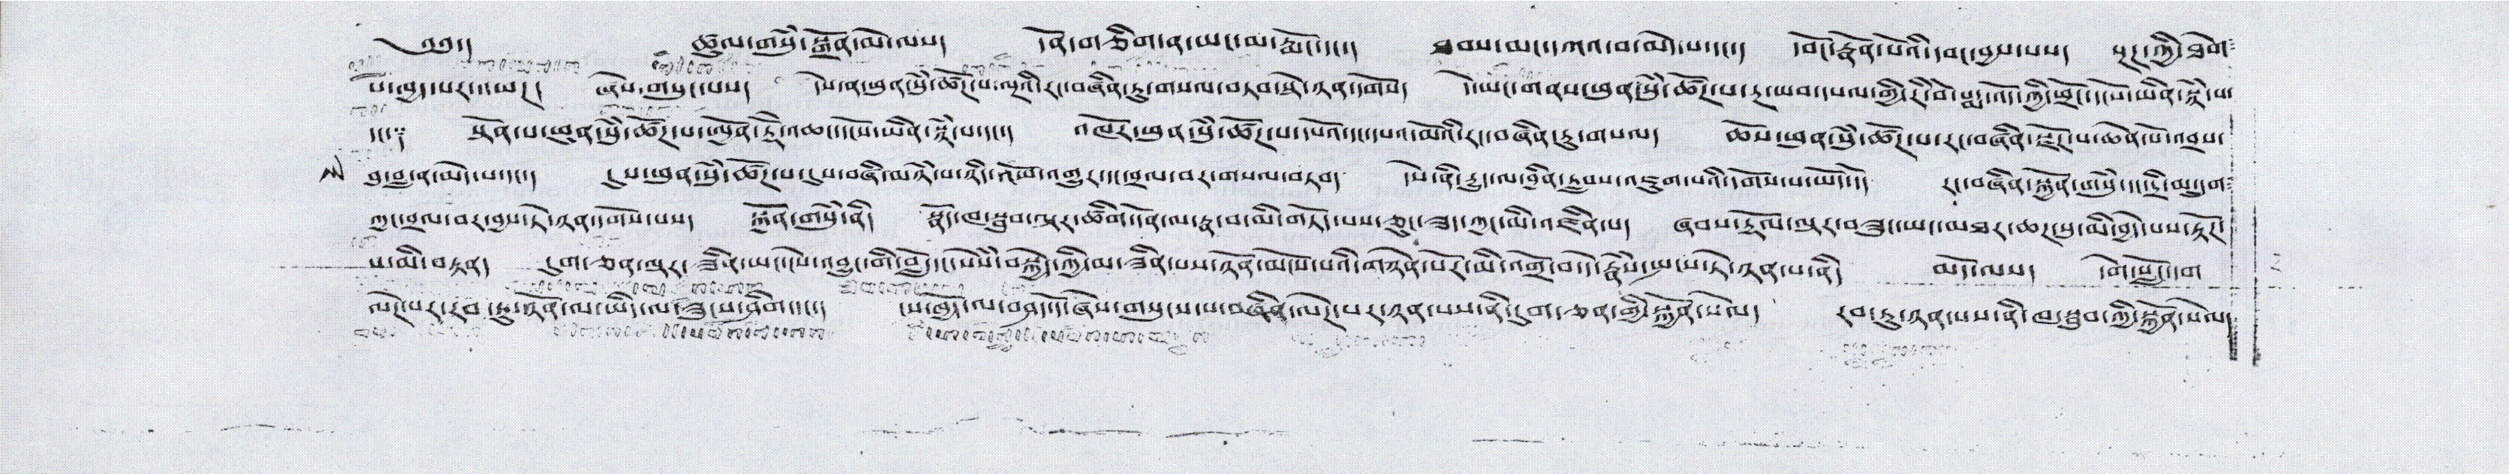ཚུལ་གསུམ་སྒྲོན་མེ་ལས། དོན་གཅིག་ན་ཡང་མ་རྨོངས་དང་། །ཐབས་མང་དཀའ་བ་མེད་པ་དང་། །དབང་པོ་རྣོན་པོའི་དབང་བྱས་པས། །སྔགས་ཀྱི་ཐེག་
པ་ཁྱད་པར་འཕགས། །ཞེས་གསུངས་པས། དེ་ཡང་ཕུན་སུམ་ཚོགས་པ་ལྔའི་རང་བཞིན་དུ་གསལ་བཏབ་སྟེ་ཉན་དགོས། དེ་ཡང་གནས་ཕུན་སུམ་ཚོིགས་པ་རྔ་ཡབ་དཔལ་གྱི་རི་བོ་པདྨ་འོད་ཀྱི་ཕོ་བྲང་དངོས་ཡིན་སྙམ་པ་
དང་། སྟོན་པ་ཕུན་སུམ་ཚོགས་པ་ཨོ་རྒྱན་རྡོ་རྗེ་འཆང་དངོས་ཡིན་སྙམ་པ་དང་། འཁོར་ཕུན་སུམ་ཚོགས་པ་དཔའ་བོ་དང་དཔའ་མོའི་རང་བཞིན་དུ་གསལ། ཆོས་ཕུན་སུམ་ཚོགས་པ་རང་བཞིན་རྫོགས་པ་ཆེན་པོ་འབྲས་
བུ་བླ་ན་མེད་པ་དང་། དུས་ཕུན་སུམ་ཚོགས་པ་དུས་བཞི་མཉམ་པ་ཉིད་ཀྱི་འཕོ་འགྱུར་དང་བྲལ་བར་གསལ་བཏབ། དེས་ནི་རྒྱུད་ལ་བྱིན་རླབས་འཇུག་པའི་དགོས་པ་ཡོད་དོ། །རང་བཞིན་སྐྱོན་གསུམ་དང་དྲི་མ་དྲུག་
ཀྱང་བྲལ་བར་བྱས་ཏེ་ཉན་དགོས་ལ། སྐྱོན་གསུམ་ནི། སྣོད་ཁ་སྦུབས་ལྟར་ཚིག་དོན་ལ་རྣ་བ་མི་གཏོད་པས་ཅུང་ཟད་ཀྱང་མི་འཛིན་པ། ཞབས་རྡོལ་ལྟར་བཟུང་ཡང་མཐར་ཆགས་སུ་མི་བྱེད་པས་རྟོགས་
པ་མི་བརྟན། དུག་ཅན་ལྟར་ཟིན་ཡང་ངེས་འབྱུང་གི་བློ་དང་སེམས་བསྐྱེད་ཀྱིས་མ་ཟིན་པས་ཉོན་མོངས་པའི་གཉེན་པོར་མི་འགྲོ་བ་དེ་རྣམས་སྤང་སྟེ་ཉན་པ་ནི། མདོ་ལས། དགེ་སློང་དག 
ལེགས་པར་རབ་ཏུ་ཉོན་ལ་ཡིད་ལ་ཟུངས་ཤིག་དང་ངས་ཁྱོད་ལ་བཤད་དོ། ཞེས་གསུངས་པ་བཞིན་ལེགས་པར་ཉན་པས་ནི་དུག་ཅན་གྱི་སྐྱོན་སེལ། རབ་ཏུ་ཉན་པས་ནི་ཁ་སྦུབས་ཀྱི་སྐྱོན་སེལ།